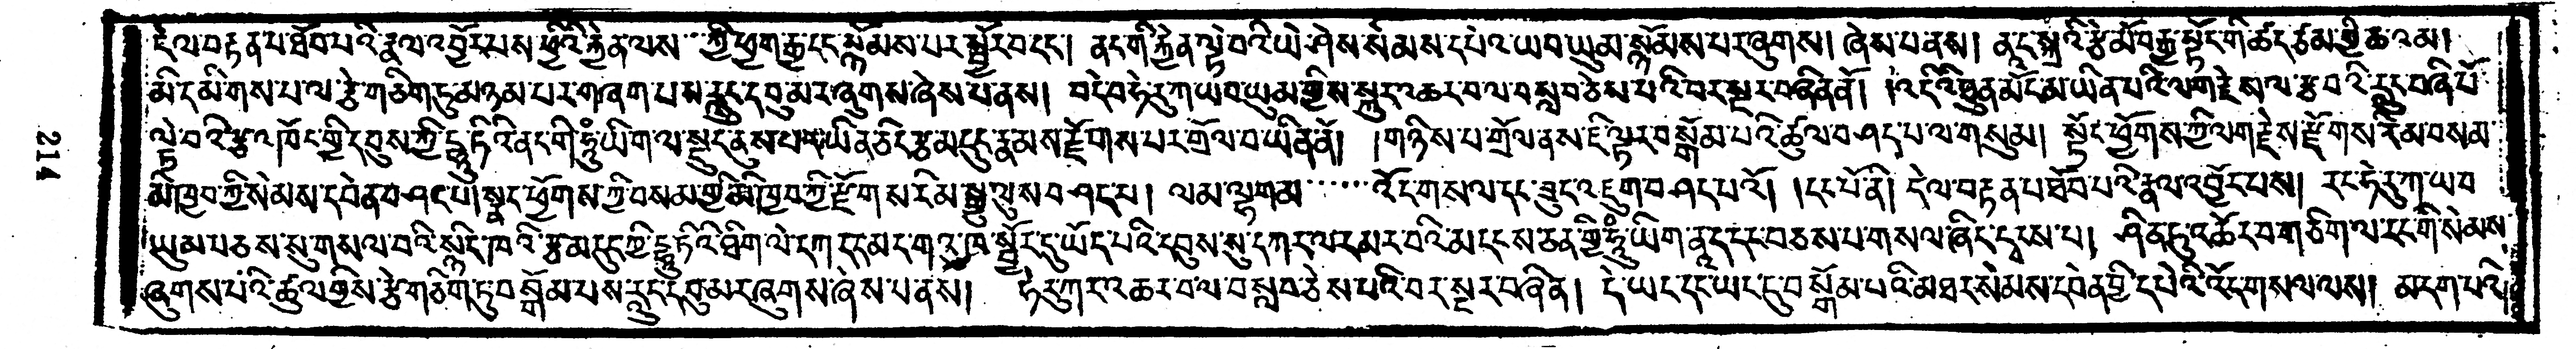དེ་ལ་བརྟན་པ་ཐོབ་པའི་རྣལ་འབྱོར་པས་ཕྱིའི་རྐྱེན་ལས་ཀྱི་ཕྱག་རྒྱ་དང་སྙོམས་པར་སྦྱོར་བ་དང་། ནང་གི་རྐྱེན་ལྟེ་བའི་ཡེ་ཤེས་སེམས་དཔའ་ཡབ་ཡུམ་སྙོམས་པར་ཞུགས། ཞེས་པ་ནས། ནཱ་ད་སྐྲའི་རྩེ་མོ་བརྒྱ་སྟོང་གི་ཚད་ཙམ་གྱི་ཆ་འམ།
མི་དམིགས་པ་ལ་རྩེ་གཅིག་ཏུ་མཉམ་པར་གཞག་པས་རླུང་དབུ་མར་ཞུགས་ཞེས་པ་ནས། བདེ་བ་ཧེ་རུ་ཀ་ཡབ་ཡུམ་གྱིས་སྐུར་འཆར་བ་ལ་བསླབ་ཅེས་པའི་བར་སྔར་བཞིན་ནོ། །འདིའི་ཐུན་མོང་མ་ཡིན་པའི་ལག་རྗེས་ལ་རྩ་བའི་རླུང་བཞི་པོ་
ལྟེ་བའི་རྩ་འཁོང་གྱི་དབུས་ཀྱི་དྷཱུ་ཏིའི་ནད་གི་ཧཱུཾ་ཡི་ག་ལ་སྡུད་ནུས་པར་ཡིན་ཅིང་རྩ་མདུད་རྣམས་རྗོགས་པར་གྲོལ་བ་ཡིན་ནོ། །གཉིས་པ་གྲོལ་ནས་ཇི་ལྟར་བསྒོམ་པའི་ཚུལ་བཤད་པ་ལ་གསུམ། སྟོང་ཕྱོགས་ཀྱི་ལག་རྗེས་རྫོགས་རིམ་བསམ་
མི་ཁྱབ་ཀྱི་སེམས་དབེན་བཤད་པ། སྣང་ཕྱོགས་ཀྱི་བསམ་གྱི་མི་ཁྱབ་ཀྱི་རྫོགས་རིམ་སྒྱུ་ལུས་བཤད་པ། ལམ་ལྷག་མ་འོད་གསལ་དང་ཟུང་འཇུག་བཤད་པའོ། །དང་པོ་ནི། དེ་ལ་བརྟན་པ་ཐོབ་པའི་རྣལ་འབྱོར་པས། རང་ཧེ་རུ་ཀ་ཡབ་
ཡུམ་བཅས་སུ་གསལ་བའི་སྙིང་ཁའི་རྩ་མདུད་ཀྱི་དྷཱུ་ཏིའི་ཐིག་ལེ་དཀར་དམར་གའུ་ཁ་སྦྱོར་དུ་ཡོད་པའི་དབུས་སུ་དཀར་ལ་དམར་བའི་མདངས་ཅན་གྱི་ཧཱུཾ་ཡིག་ནཱ་ད་དང་བཅས་པ་གསལ་ཞིང་དྭངས་པ། ཤིན་ཏུ་འཚེ?་རབ་གཅིག་ལ་རང་གི་སེམས་
ཞུགས་པའི་ཚུལ་གྱིས་རྩེ་གཅིག་ཏུ་བསྒོམ་པས་རླུང་དབུ་མར་ཞུགས་ཞེས་པ་ནས། ཧེ་རུ་ཀར་འཆར་བ་ལ་བསླབ་ཅེས་པའི་བར་སྔར་བཞིན། དེ་ཡང་དང་ཡང་དུ་བསྒོམ་པའི་མཐར་སེམས་དབེན་བྱི་དཔེའི་འོད་གསལ་ལས། མ་དག་པའི་